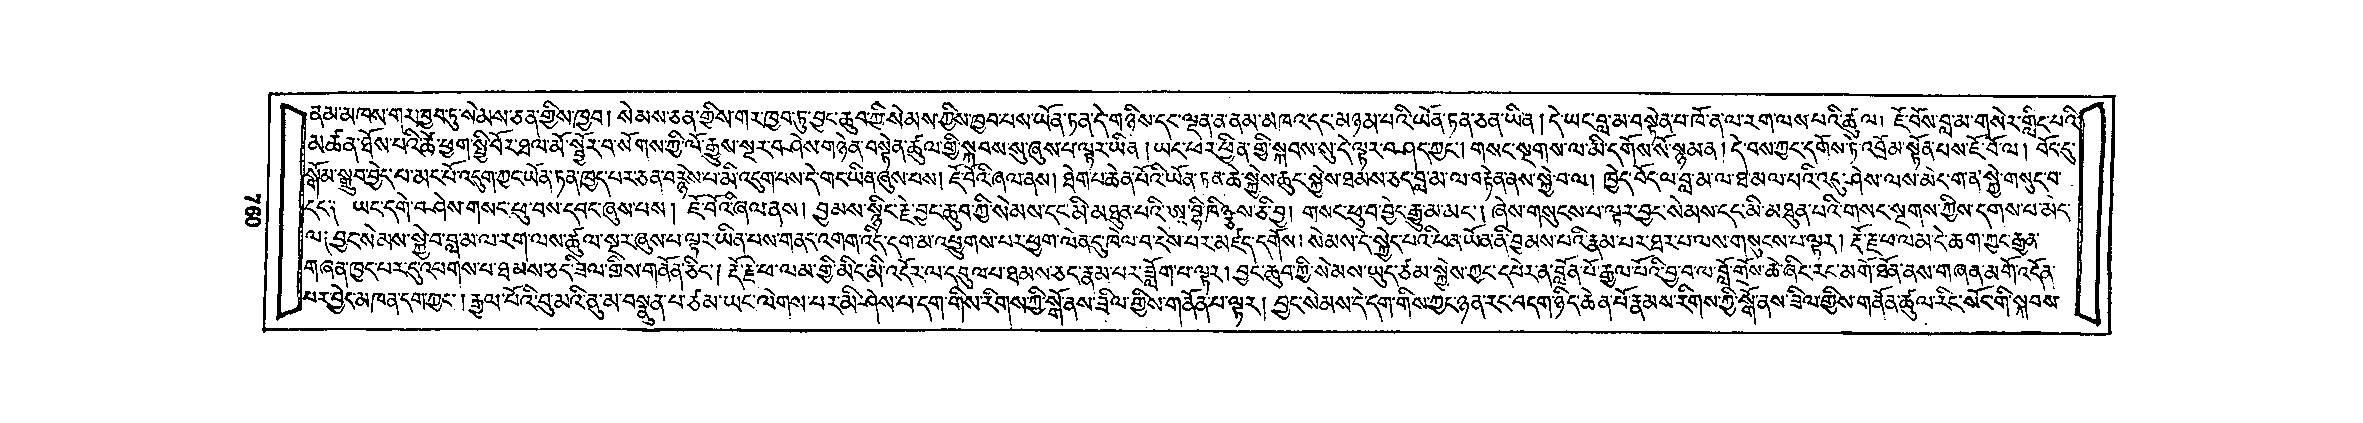ནམ་མཁས་གར་ཁྱབ་ཏུ་སེམས་ཅན་གྱིས་ཁྱབ། སེམས་ཅན་གྱིས་གར་ཁྱབ་ཏུ་བྱང་ཆུབ་ཀྱི་སེམས་ཀྱིས་ཁྱབ་པས་ཡོན་ཏན་དེ་གཉིས་དང་ལྡན་ན་ནམ་མཁའ་དང་མཉམ་པའི་ཡོན་ཏན་ཅན་ཡིན། དེ་ཡང་བླ་མ་བསྟེན་པ་ཁོ་ན་ལ་རག་ལས་པའི་ཚུལ། ཇོ་བོས་བླ་མ་གསེར་གླིང་པའི་
མཚན་ཐོས་པའི་ཚེ་ཕྱག་སྤྱི་བོར་ཐལ་མོ་སྦྱོར་བ་སོགས་ཀྱི་ལོ་རྒྱུས་སྔར་བཤེས་གཉེན་བསྟེན་ཚུལ་གྱི་སྐབས་སུ་ཞུས་པ་ལྟར་ཡིན། ཡང་ཕར་ཕྱིན་གྱི་སྐབས་སུ་དེ་ལྟར་བཤད་ཀྱང་། གསང་སྔགས་ལ་མི་དགོས་སོ་སྙམ་ན། དེ་བས་ཀྱང་དགོས་ཏེ་འབྲོམ་སྟོན་པས་ཇོ་བོ་ལ། བོད་དུ་
སྒོམ་སྒྲུབ་བྱེད་པ་མང་པོ་འདུག་ཀྱང་ཡོན་ཏན་ཁྱད་པར་ཅན་བརྙེས་པ་མི་འདུག་པས་དེ་གང་ཡིན་ཞུས་པས། ཇོ་བོའི་ཞལ་ནས། ཐེག་པ་ཆེན་པོའི་ཡོན་ཏན་ཆེ་སྐྱེས་ཆུང་སྐྱེས་ཐམས་ཅད་བླ་མ་ལ་བརྟེན་ནས་སྐྱེ་བ་ལ། ཁྱེད་བོད་ལ་བླ་མ་ལ་ཐ་མལ་པའི་འདུ་ཤེས་ལས་མེད་ག་ན་སྐྱེ་གསུང་བ་
དང་། ཡང་དགེ་བཤེས་གསང་ཕུ་བས་དབང་ཞུས་པས། ཇོ་བོའི་ཞལ་ནས། བྱམས་སྙིང་རྗེ་བྱང་ཆུབ་ཀྱི་སེམས་དང་མི་མཐུན་པའི་ཨའ་བྷི་ཁིཉྩས་ཅི་བྱ། གསང་ཕུ་བ་བྱེད་རྒྱུ་མ་མང་། ཞེས་གསུངས་པ་ལྟར་བྱང་སེམས་དང་མི་མཐུན་པའི་གསང་སྔགས་ཀྱིས་དགས་པ་མེད་
ལ། བྱང་སེམས་སྐྱེ་བ་བླ་མ་ལ་རག་ལས་ཚུལ་སྔར་ཞུས་པ་ལྟར་ཡིན་པས་གནད་འགག་འདི་དག་མ་འཕྱུགས་པར་ཕྱག་ལེན་དུ་ཁེལ་བ་ངེས་པར་མཛད་དགོས། སེམས་དེ་སྐྱེད་པའི་ཕན་ཡོན་ནི་བྱམས་པའི་རྣམ་པར་ཐར་པ་ལས་གསུངས་པ་ལྟར། རྡོ་རྗེ་ཕ་ལམ་དེ་ཆག་ཀྱང་རྒྱན་
གཞན་ཁྱད་པར་དུ་འཕགས་པ་ཐམས་ཅད་ཟིལ་གྱིས་གནོན་ཅིང་། རྡོ་རྗེ་ཕ་ལམ་གྱི་མིང་མི་འདོར་ལ་དབུལ་པ་ཐམས་ཅད་རྣམ་པར་ཟློག་པ་ལྟར། བྱང་ཆུབ་ཀྱི་སེམས་ཡུད་ཙམ་སྐྱེས་ཀྱང་དཔེར་ན་བློན་པོ་རྒྱལ་པོའི་བྱ་བ་ལ་བློ་གྲོས་ཆེ་ཞིང་རང་མགོ་ཐོན་ནས་གཞན་མགོ་འདོན་
པར་བྱེད་མཁན་དག་ཀྱང་། རྒྱལ་པོའི་བུ་མའི་ནུ་མ་བསྣུན་པ་ཙམ་ཡང་ལེགས་པར་མི་ཤེས་པ་དག་གིས་རིགས་ཀྱི་སྒོ་ནས་ཟིལ་གྱིས་གནོན་པ་ལྟར། བྱང་སེམས་དེ་དག་གིས་ཀྱང་ཉན་རང་བདག་ཉིད་ཆེན་པོ་རྣམས་རིགས་ཀྱི་སྒོ་ན་ཟིལ་གྱིས་གནོན་ཚུལ་རིང་སོང་གི་སྐབས་